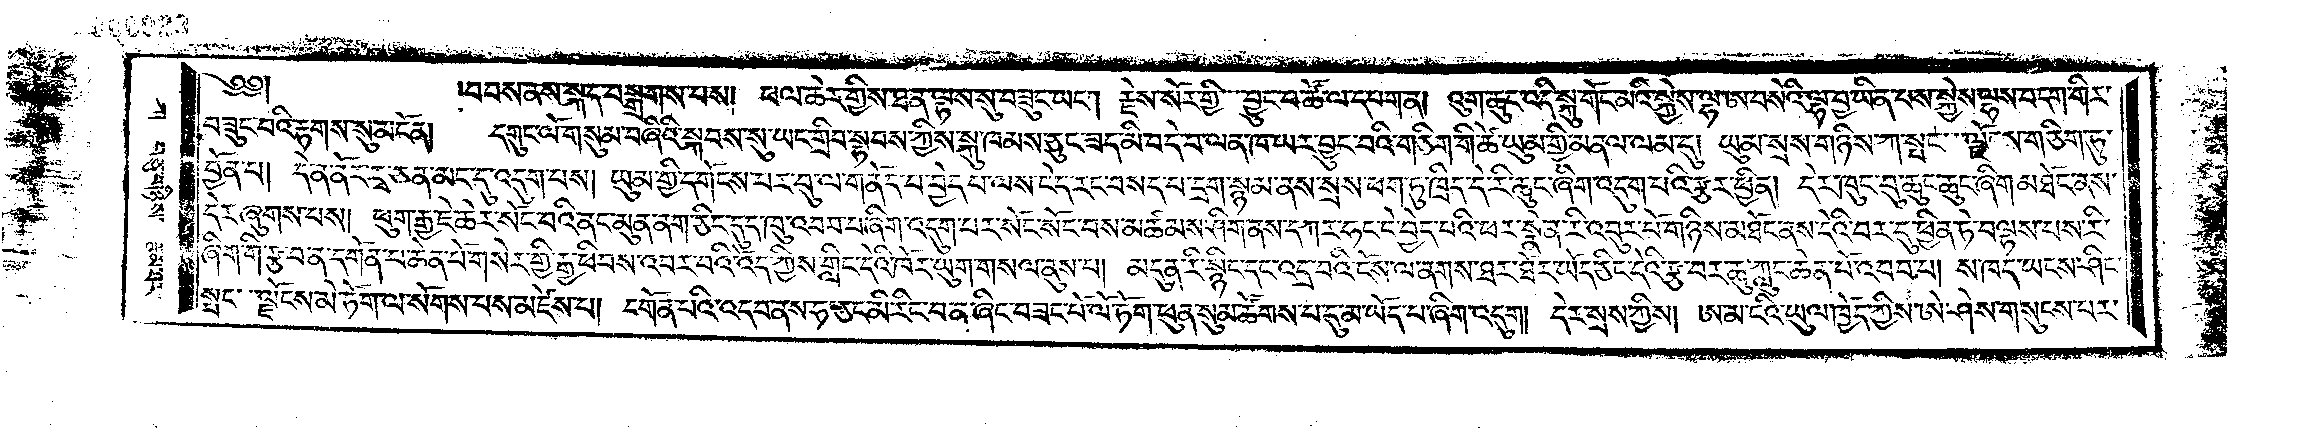༄༅། །བབས་ནས་སྐད་བསྒྲགས་པས། ཕལ་ཆེར་གྱིས་ཐན་ལྟས་སུ་བཟུང་ཡང་། རྗེས་སོར་གྱི་བྱུང་བ་ཚོ་ལ་དཔག་ན། འུག་ཆུང་འདི་སྐུ་གོང་མའི་སྐྱེས་ལྷ་ཨ་བ་སེའི་ལྷ་བྱ་ཡིན་པས་སྐྱེས་ལྷས་བདག་གིར་
བཟུང་བའི་རྟགས་སུ་མངོན། དགུང་ལོ་གསུམ་བཞིའི་སྐབས་སུ་ཡང་གྲིབ་སྟབས་ཀྱིས་སྐུ་ཁམས་ཅུང་ཟད་མི་བདེ་བ་ལན་ཁ་ཡར་བྱུང་བའི་གཅིག་གི་ཚེ་ཡུམ་གྱི་མན་ལ་ལམ་དུ། ཡུམ་སྲས་གཉིས་ཀ་སྤང་ལྗོངས་གཅིག་ཏུ་
བྱོན་པ། དེ་ན་ནོར་རྭ་ཅན་མང་དུ་འདུག་པས། ཡུམ་གྱི་དགོངས་པར་བུ་ལ་གནོད་པ་བྱེད་པ་ལས་ངེད་རང་བས་པ་དྲག་སྙམ་ནས་སྲས་པག་ཏུ་ཁྲིད་དེ་རི་ཆུང་ཞིག་འདུག་པའི་རྩར་ཕྱིན། དེར་ཁུང་བུ་ཆུང་ཆུང་ཞིག་མཐོང་ནས་
དེར་ཞུགས་པས། ཕུག་རྒྱ་ཇེ་ཆེར་སོང་བའི་ནང་མུན་ནག་ཅིང་དུད་ཁུ་འབབ་པ་ཞིག་འདུག་པར་སོང་སོང་བས་མཚམས་ཤིག་ནས་དཀར་ཧང་ངེ་བྱེད་པའི་ཕར་སྣེན་རི་འབུར་པོ་གཉིས་མཐོང་ནས་དེའི་པར་དུ་ཕྱིན་ཏེ་བལྟས་པས་རི་
ཞིག་གི་རྩ་བ་ན་དགོན་པ་ཆེན་པོ་གསེར་གྱི་རྒྱ་ཕིབས་འབར་བའི་འོད་ཀྱིས་གླིང་དེའི་ཁོར་ཡུག་གསལ་ནུས་པ། མདུན་རི་སྙིང་དང་འདྲ་བའི་ངོས་ལ་ནགས་ཐར་ཐོར་ཡོད་ཅིང་དེའི་རྩ་བར་ཆུ་ཀླུང་ཆེན་པོ་འབབ་པ། ས་ཁད་ཡངས་ཤིང་
སྤང་ལྗོངས་མེ་ཏོག་ལ་སོགས་པས་མཛེས་པ། དགོན་པའི་འདབ་ནས་ཧ་ཅང་མི་རིང་བ་ན་ཞིང་བཟང་པོ་ལོ་ཏོག་ཕུན་སུམ་ཚོགས་པ་དུ་མ་ཡོད་པ་ཞིག་འདུག་དེར་སྲས་ཀྱིས། ཨ་མ་ངའི་ཡུལ་ཁྱོད་ཀྱིས་ཨེ་ཤེས་གསུངས་པར་